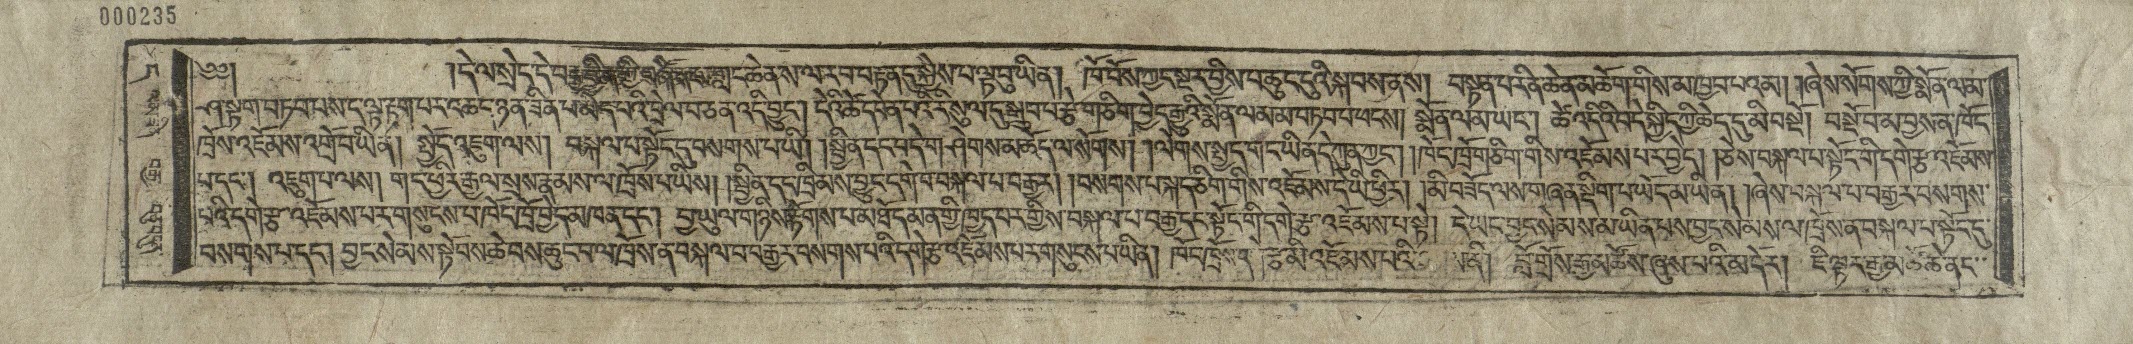༄༅། །དེ་ལ་སྲེད་དེ་བརྒྱ་བྱིན་གྱི་བཞོན་པ་གླང་ཆེན་ས་ལ་རབ་བརྟན་དུ་སྐྱེས་པ་ལྟ་བུ་ཡིན། ཁོ་བོས་ཀྱང་སྔར་བྱིས་པ་ཆུང་ངུའི་སྐབས་ནས། བསྟན་པ་རིན་ཆེན་མཆོག་གིས་མ་ཁྱབ་པའམ། །ཞེས་སོགས་ཀྱི་སྨོན་ལམ་
ཤ་སྟག་བཏབ་པས་ད་ལྟ་རྟག་པར་འཆད་ཉན་ཟིན་པ་མེད་པའི་བྲེལ་བ་ཅན་འདི་བྱུང་། དེའི་ཚེ་དབེན་པའི་རི་སུལ་དུ་སྒྲུབ་པ་རྩེ་གཅིག་བྱེད་རྒྱུའི་སྨོན་ལམ་མ་བཏབ་པ་ཕངས། སྨོན་ལམ་ཡང་། ཚེ་འདིའི་བདེ་སྐྱིད་ཀྱི་ཆེད་དུ་མི་བསྔོ། བསྔོ་བ་མ་བྱས་ན་ཁོང་
ཁྲོས་འཇོམས་འགྲོ་བ་ཡིན། སྤྱོད་འཇུག་ལས། བསྐལ་པ་སྟོང་དུ་བསགས་པ་ཡི། །སྦྱིན་དང་བདེ་གཤེགས་མཆོད་ལ་སོགས། །ལེགས་སྤྱད་གང་ཡིན་དེ་ཀུན་ཀྱང་། །ཁོང་ཁྲོ་གཅིག་གིས་འཇོམས་པར་བྱེད། །ཅེས་བསྐལ་པ་སྟོང་གི་དགེ་རྩ་འཇོམས་
པ་དང་། འཇུག་པ་ལས། གང་ཕྱིར་རྒྱལ་སྲས་རྣམས་ལ་ཁྲོས་པ་ཡིས། །སྦྱིན་དང་ཁྲིམས་བྱུང་དགེ་བ་བསྐལ་པ་བརྒྱར། །བསགས་པ་སྐད་ཅིག་གིས་འཇོམས་དེ་ཡི་ཕྱིར། །མི་བཟོད་ལས་གཞན་སྡིག་པ་ཡོད་མ་ཡིན། །ཞེས་བསྐལ་པ་བརྒྱར་བསགས་
པའི་དགེ་རྩ་འཇོམས་པར་གསུངས་པ་ཁོང་ཁྲོ་བྱེད་མཁན་དང་། བྱ་ཡུལ་གཉིས་རྟོགས་པ་མཐོ་དམན་གྱི་ཁྱད་པར་གྱིས་བསྐལ་པ་བརྒྱ་དང་སྟོང་གི་དགེ་རྩ་འཇོམས་པ་སྟེ། དེ་ཡང་བྱང་སེམས་མ་ཡིན་པས་བྱང་སེམས་ལ་ཁྲོས་ན་བསྐལ་པ་སྟོང་དུ་
བསགས་པ་དང་། བྱང་སེམས་སྟོབས་ཆེ་བས་ཆུང་བ་ལ་ཁྲོས་ན་བསྐལ་པ་བརྒྱར་བསགས་པའི་དགེ་རྩ་འཇོམས་པར་གསུངས་པ་ཡིན། ཁོང་ཁྲོས་དགེ་རྩ་མི་འཇོམས་པའི་ཐབས་ནི། བློ་གྲོས་རྒྱ་མཚོས་ཞུས་པའི་མདོར། ཇི་ལྟར་རྒྱ་མཚོ་ཆེ་ནང་